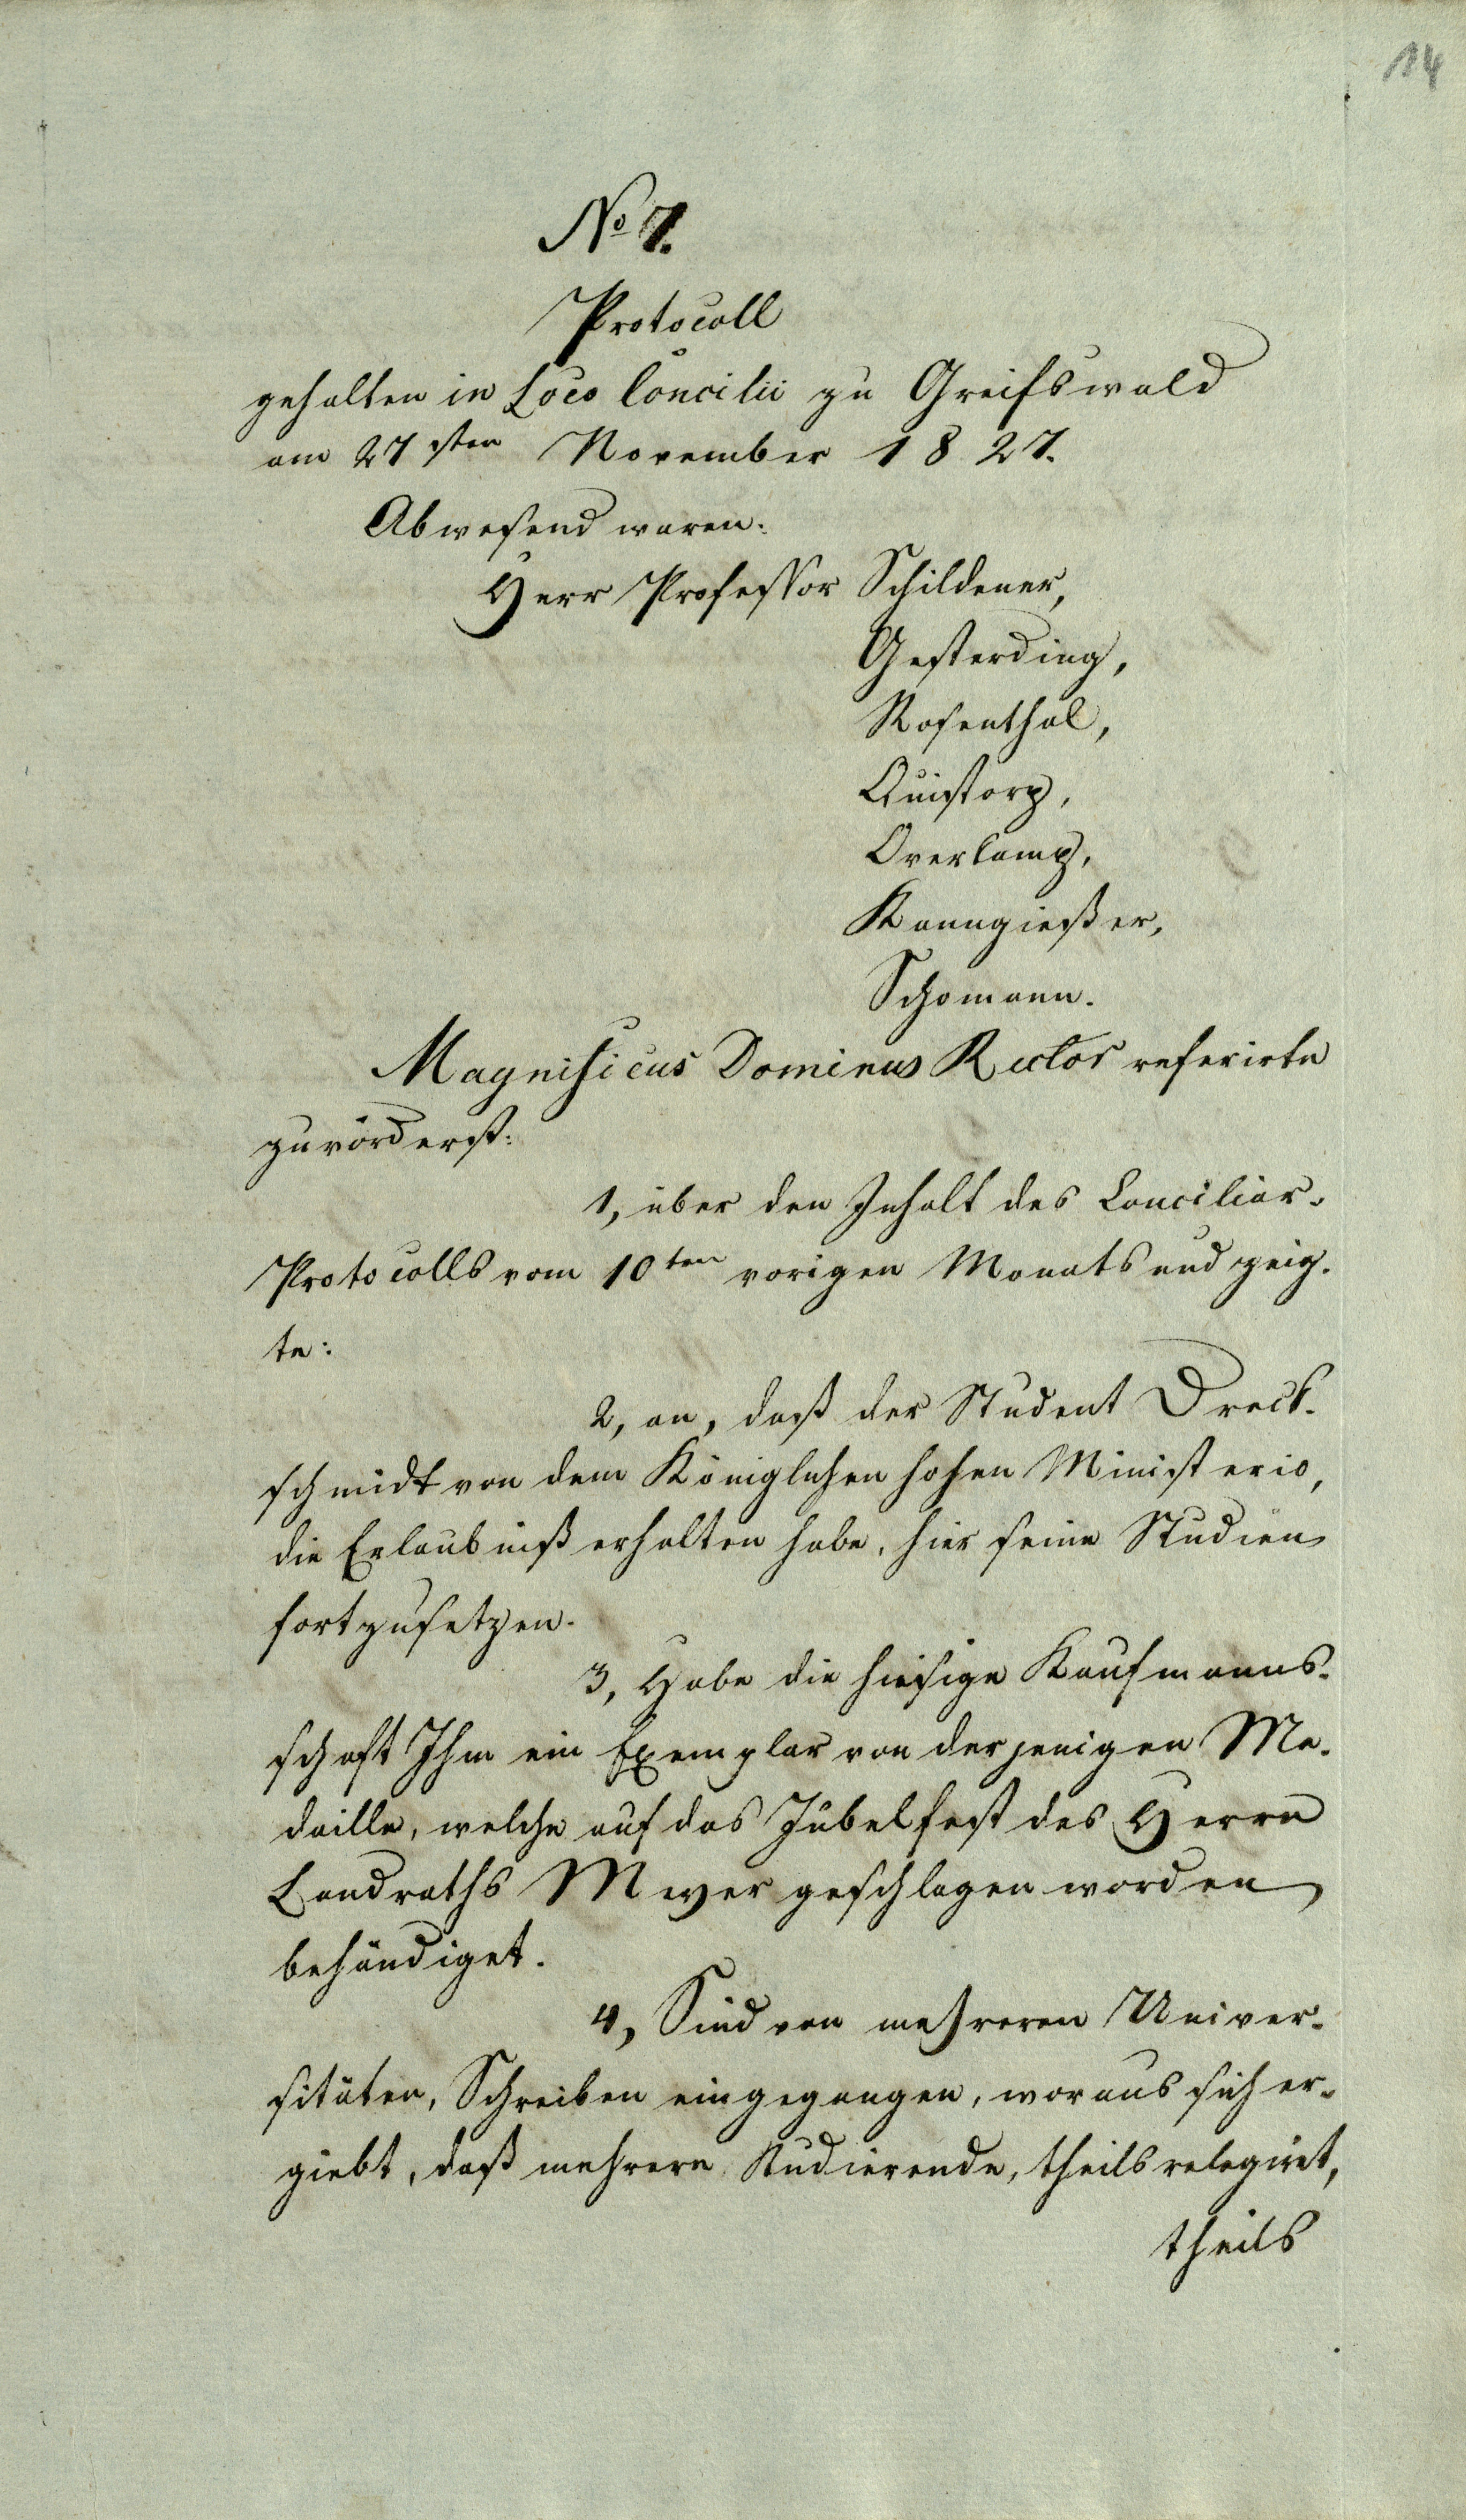Nº 7.
Protocoll
gehalten in Loco Concilii zu Greifswald
am 27ten November 1827.
Abwesend waren:
Herr Professor Schildener,
Gesterding,
Rosenthal,
Quistorp,
Overkamp,
Kanngießer,
Schomann.
Magnificus Dominus Rector referirte
zuvörderst:
1, über den Inhalt des Conciliar¬
Protocolls vom 10ten vorigen Monats und zeig¬
te:
2, an, daß der Student Dreck¬
schmidt von dem Königlichen hohen Ministerio,
die Erlaubniß erhalten habe, hier seine Studien
fortzusetzen.
3, Habe die hiesige Kaufmanns¬
schaft Ihm ein Exemplar von derjenigen Me¬
daille, welche auf das Jubelfest des Herrn
Landraths Meyer geschlagen worden
behändiget.
4, Sind von mehreren Univer¬
sitäten, Schreiben eingegangen, woraus sich er¬
giebt, daß mehrere Studierende, theils relegiret,
theils